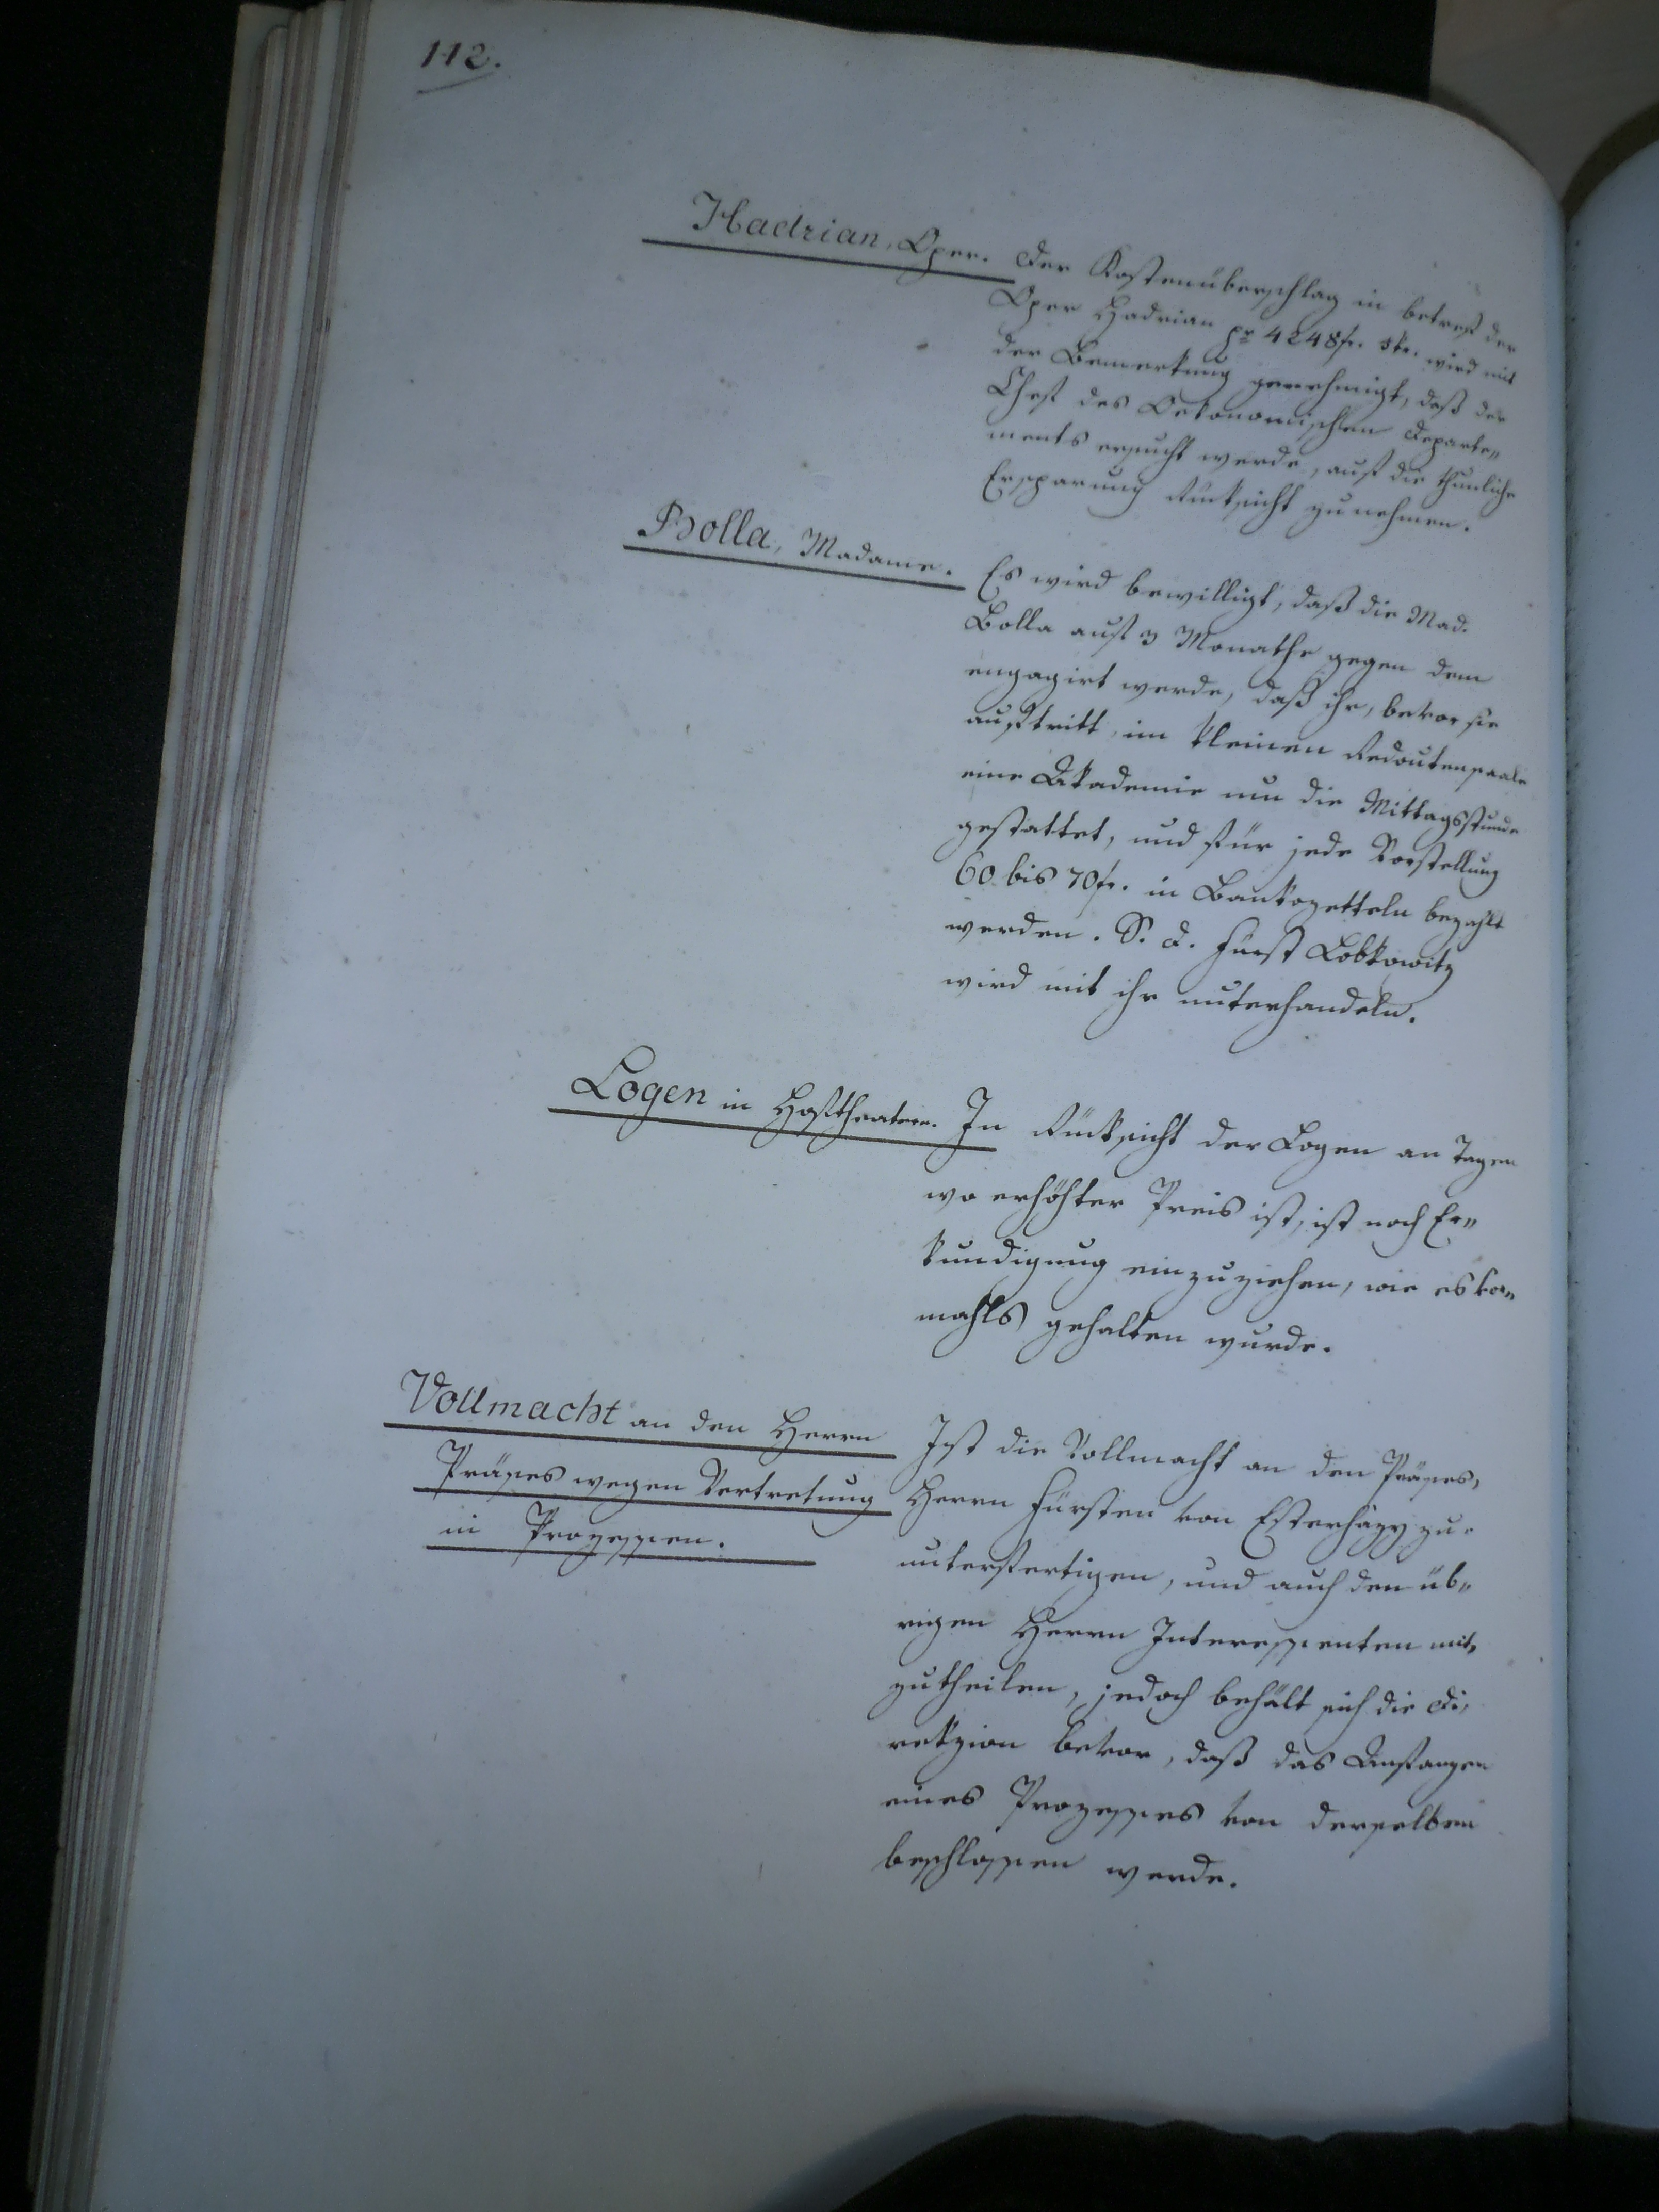112.
Hadrian, Oper. Der Kostenüberschlag in betref der
Oper Hadrian pr͇ 4248fr. 5kr. wird mit
der Bemerkung genehmigt, daß der
Chef des Oekonomischen Departe¬
ments ersucht werde, auf die thunliche
Ersparung Rücksicht zunehmen.
Bolla, Madame. Es wird bewilligt, daß die Mad.
Bolla auf 3 Monathe gegen dem
engagirt werde, daß ihr, bevor sie
auftritt im kleinen Redoutensaale
eine Akademie um die Mittagstunde
gestattet, und für jede Vorstellung
60 bis 70fr. in Bankozetteln bezahlt
werden. S. D. Fürst Lobkowitz
wird mit ihr unterhandeln.
Logen in Hoftheatern. In Rücksicht der Logen an Tagen
wo erhöhter Preis ist, ist nach Er¬
kundigung einzuziehen, wie es vor¬
mahls gehalten wurde.
Vollmacht an den Herrn
Präses wegen Vertretung
in Prozessen.
Ist die Vollmacht an den Präses,
Herrn Fürsten von Esterhàzy zu¬
unterfertigen, und auch den üb¬
rigen Herrn Interessenten mit¬
zutheilen, jedoch behält sich die Di¬
rekzion bevor, daß das Anfangen
eines Prozesses von derselben
beschlossen werde.